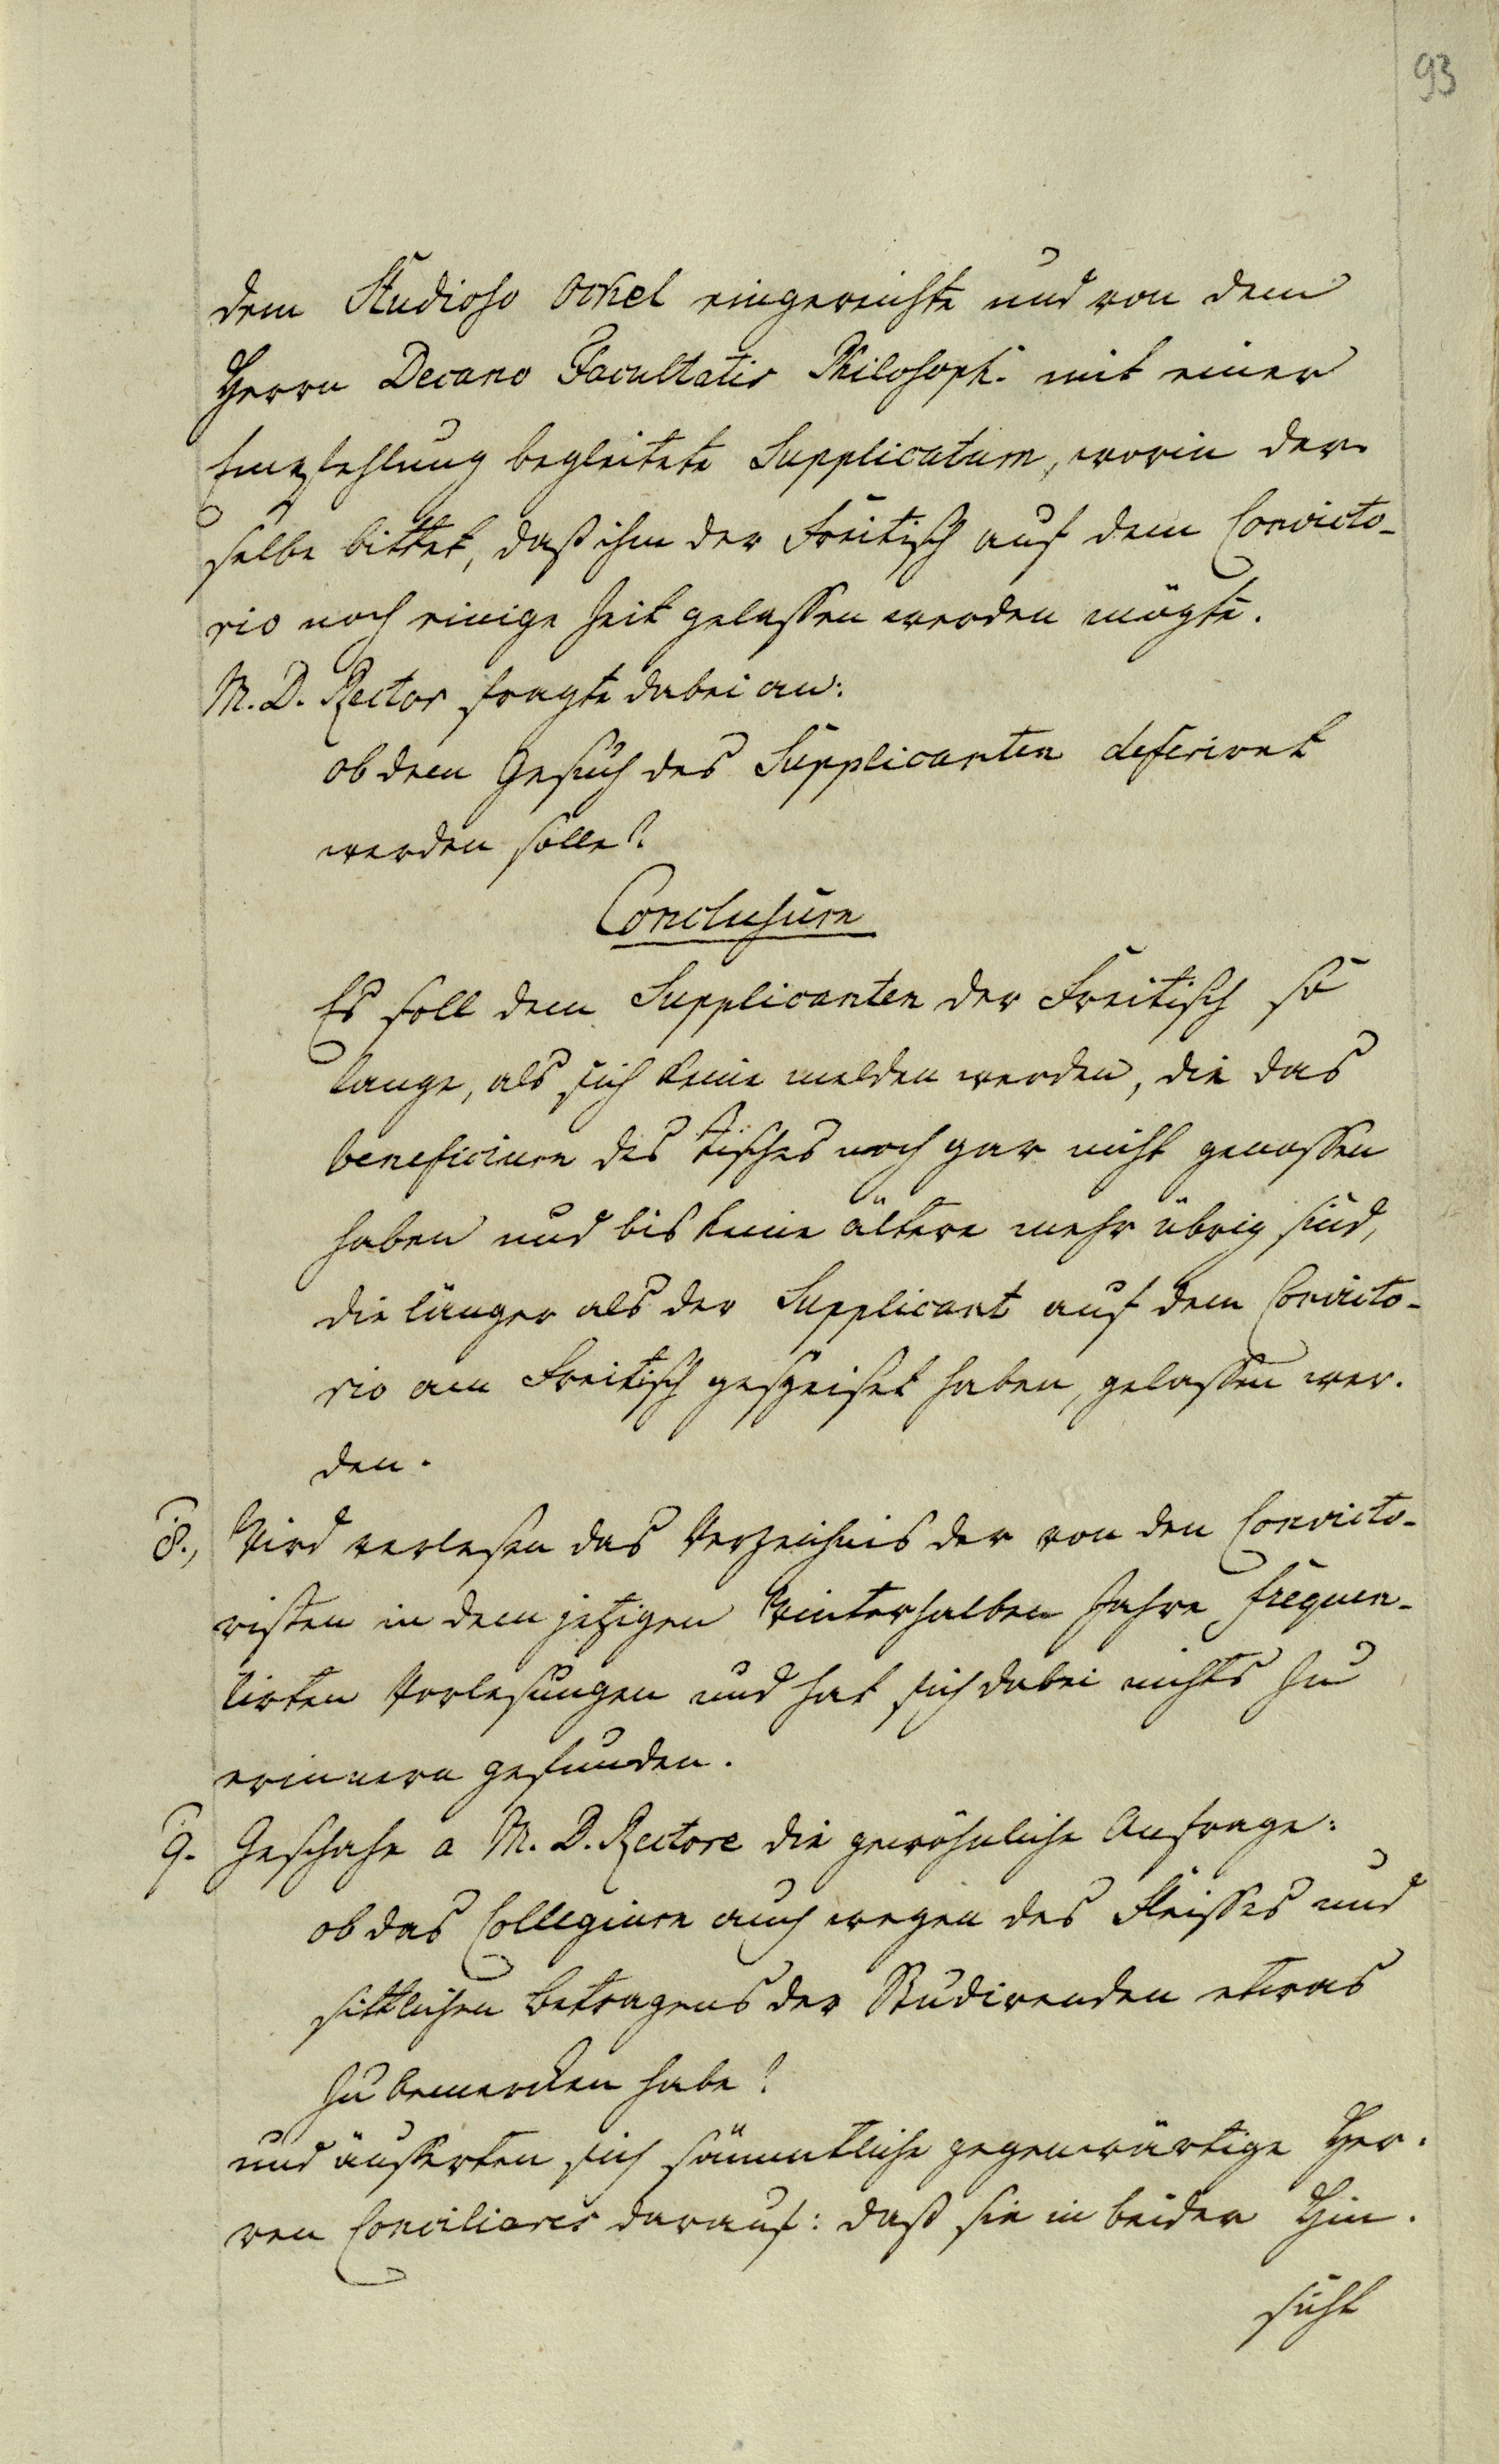dem Studioso Ockel eingereichte und von dem
Herrn Decano Facultatis Philosoph. mit einer
Empfehlung begleitete Supplicatum, worin der¬
selbe bittet, daß ihm der Freitisch auf dem Convicto¬
rio noch einige Zeit gelassen werden mögte.
M. D. Rector fragte dabei an:
ob dem Gesuch des Supplicanten deferiret
werden solle?
Conclusum
Es soll dem Supplicanten der Freitisch so
lange, als sich keine melden werden, die das
beneficium des Tisches noch gar nicht genossen
haben und bis keine ältere mehr übrig sind,
die länger als der Supplicant auf dem Convicto¬
rio am Freitisch gespeiset haben, gelassen wer¬
den.
8. Wird verlesen das Verzeichnis der von den Convicto¬
risten in dem jetzigen Winterhalben Jahre frequen¬
tirten Vorlesungen und hat sich dabei nichts zu
erinnern gefunden.
9. Geschahe a M. D. Rectore die gewöhnliche Anfrage:
ob des Collegium auch wegen des Fleisses und
sittlichen Betragens der Studirenden etwas
zu bemercken habe?
und äusserten sich sämmtliche gegenwärtige Her¬
den Conciliares darauf: daß sie in beider Hin¬
sicht